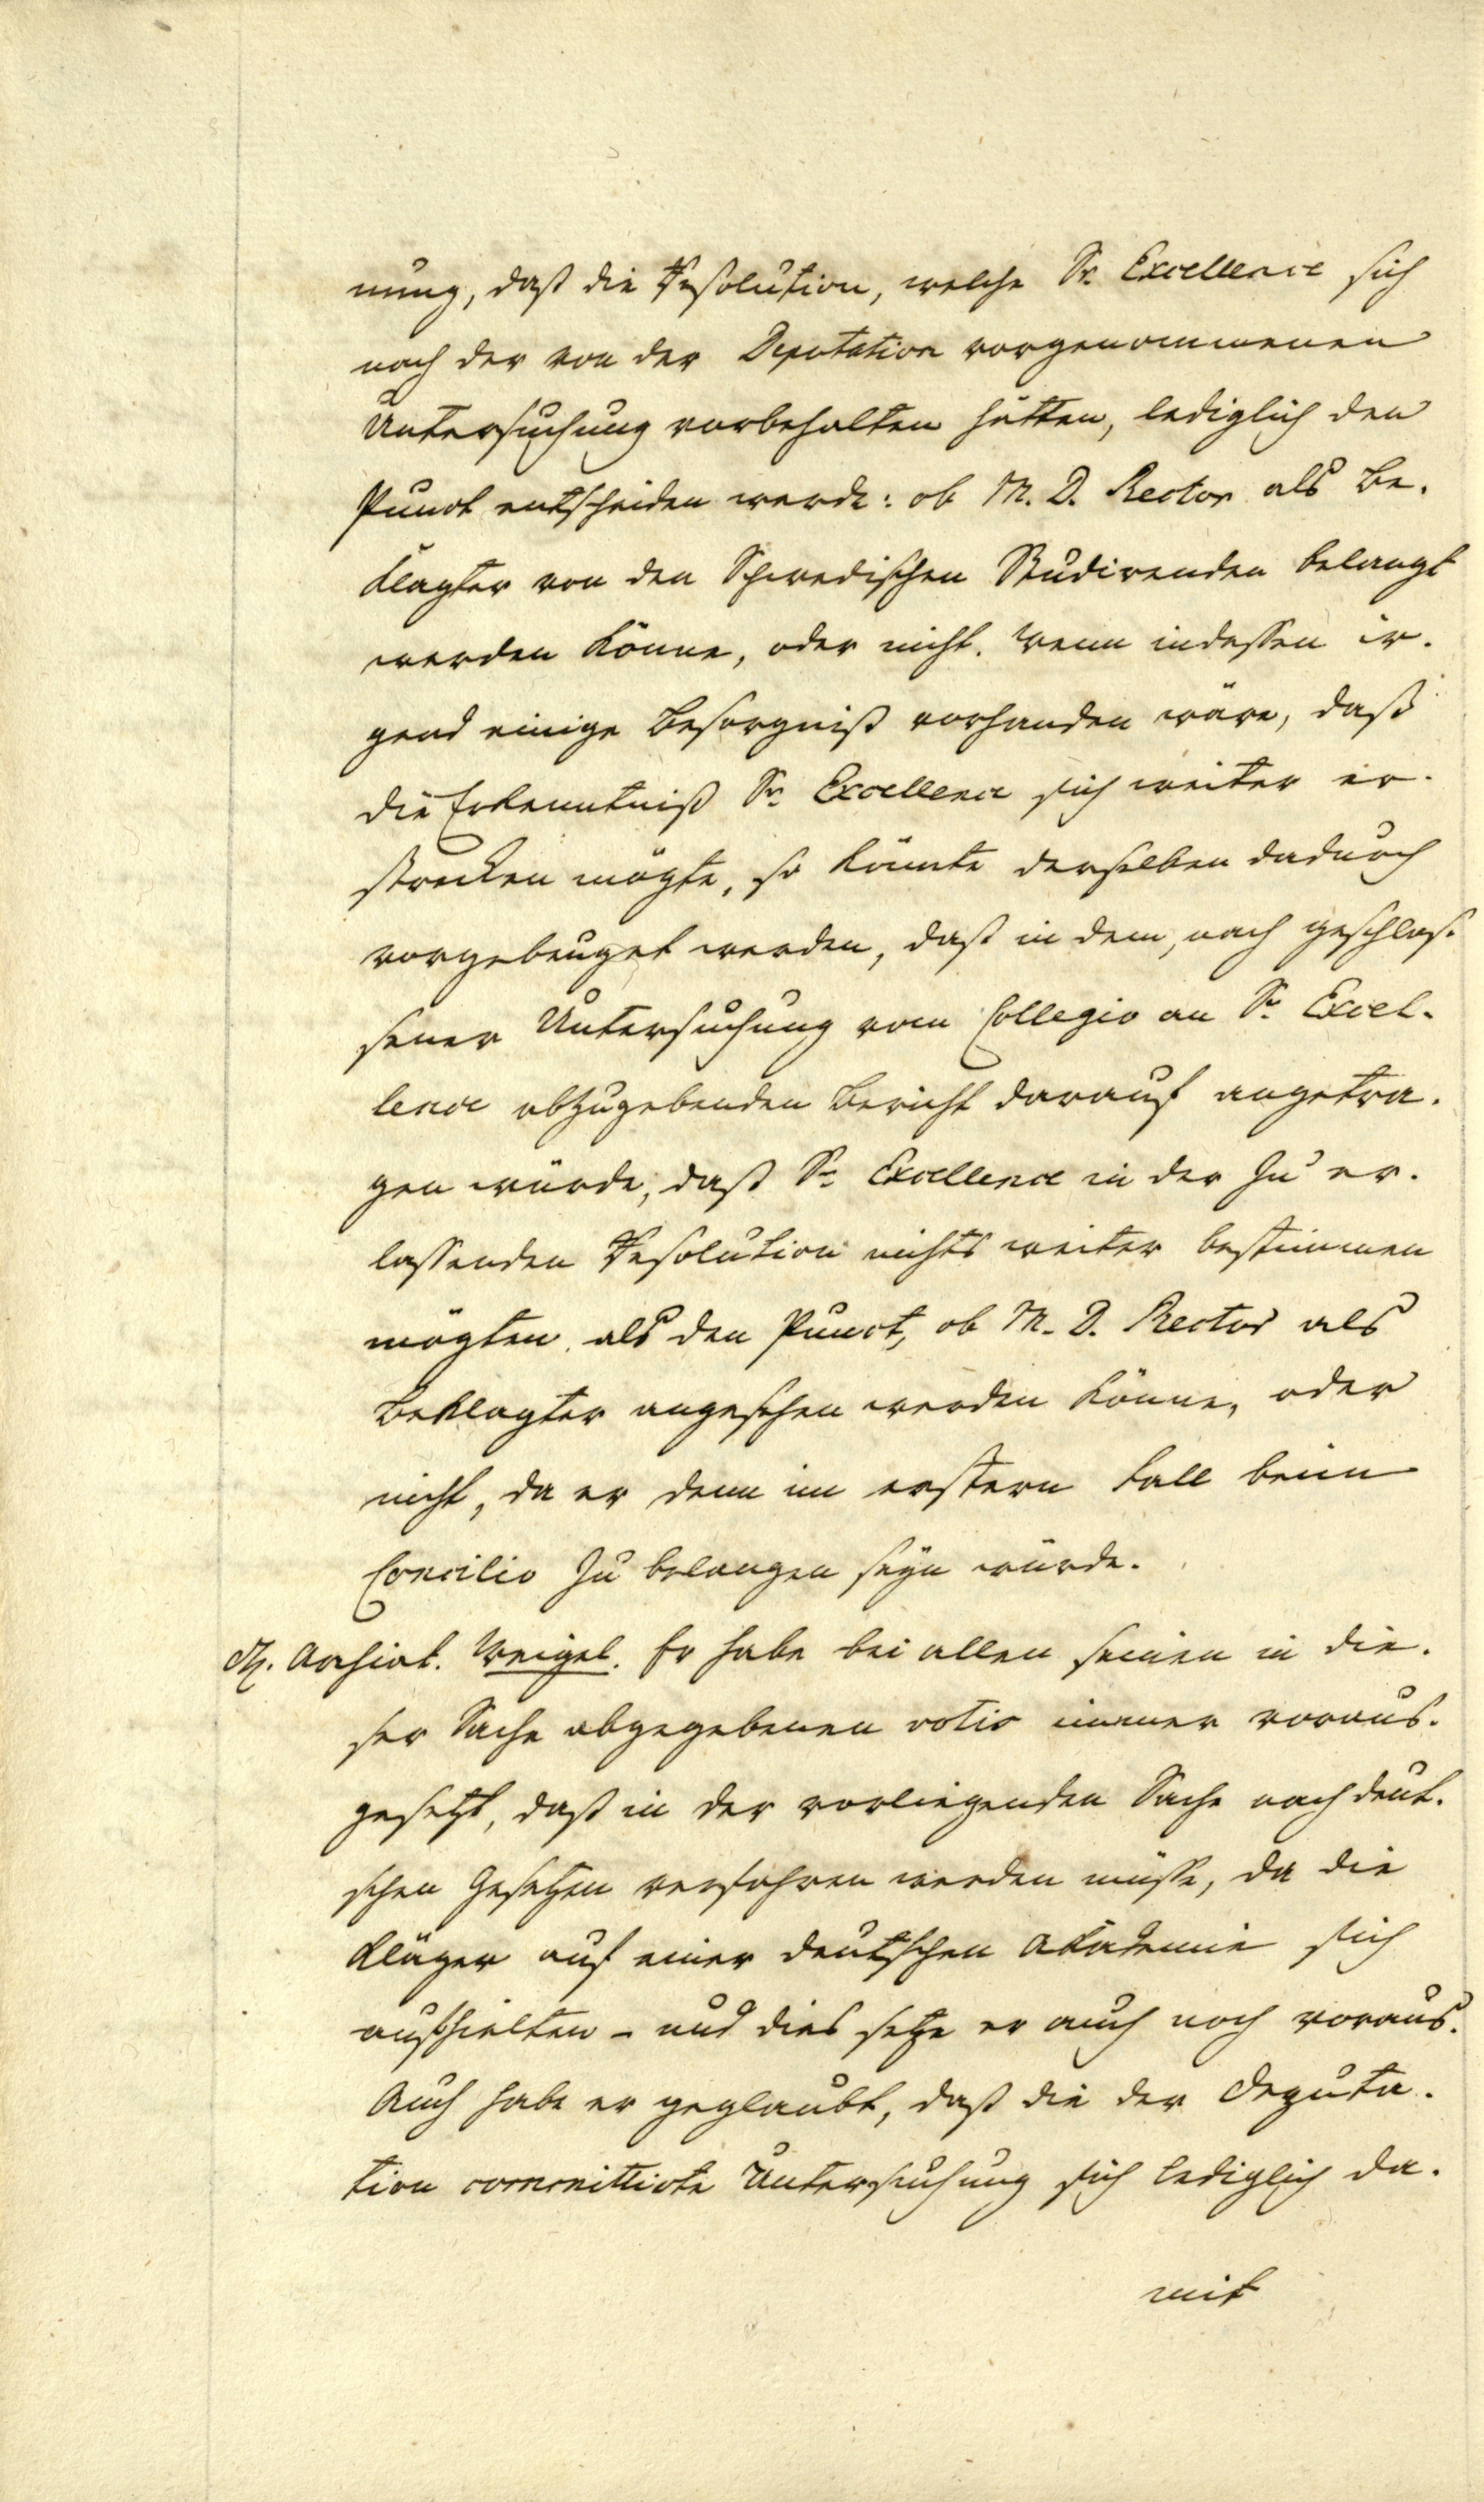nung, daß die Resolution, welche Sr Excellence sich
nach der von der Deputation vorgenommenen
Untersuchung vorbehalten hätten, lediglich den
Punct entscheiden werde: ob M. D. Rector als be¬
klagter von den Schwedischen Studirenden belangt
werden könne, oder nicht. Wenn indessen ir¬
gend einige Besorgniß vorhanden wäre, daß
die Erkenntniß Sr Excellence sich weiter er¬
strecken mögte, so könnte derselben dadurch
vorgebeuget werden, daß in dem, nach geschlos¬
sener Untersuchung vom Collegio an Sr Excel¬
lence abzugebenden Bericht darauf angetra¬
gen würde, daß Sr Excellence in der zu er¬
lassenden Resolution nichts weiter bestimmen
mögten, als den Punct, ob M. D. Rector als
Beklagter angesehen werden könne, oder
nicht, da er denn im erstern Fall beim
Concilio zu belangen seÿn würde.
dh. Archiat. Weigel. Er habe bei allen seinen in die¬
ser Sache abgegebenen votis immer voraus¬
gesetzt, daß in der vorliegenden Sache nach deut¬
schen Gesetzen verfahren werden müsse, da die
Kläger auf einer deutschen Akademie sich
aufhielten und dies setze er auch noch voraus.
Auch habe er geglaubt, daß die der Deputa¬
tion committirte Untersuchung sich lediglich da¬
mit